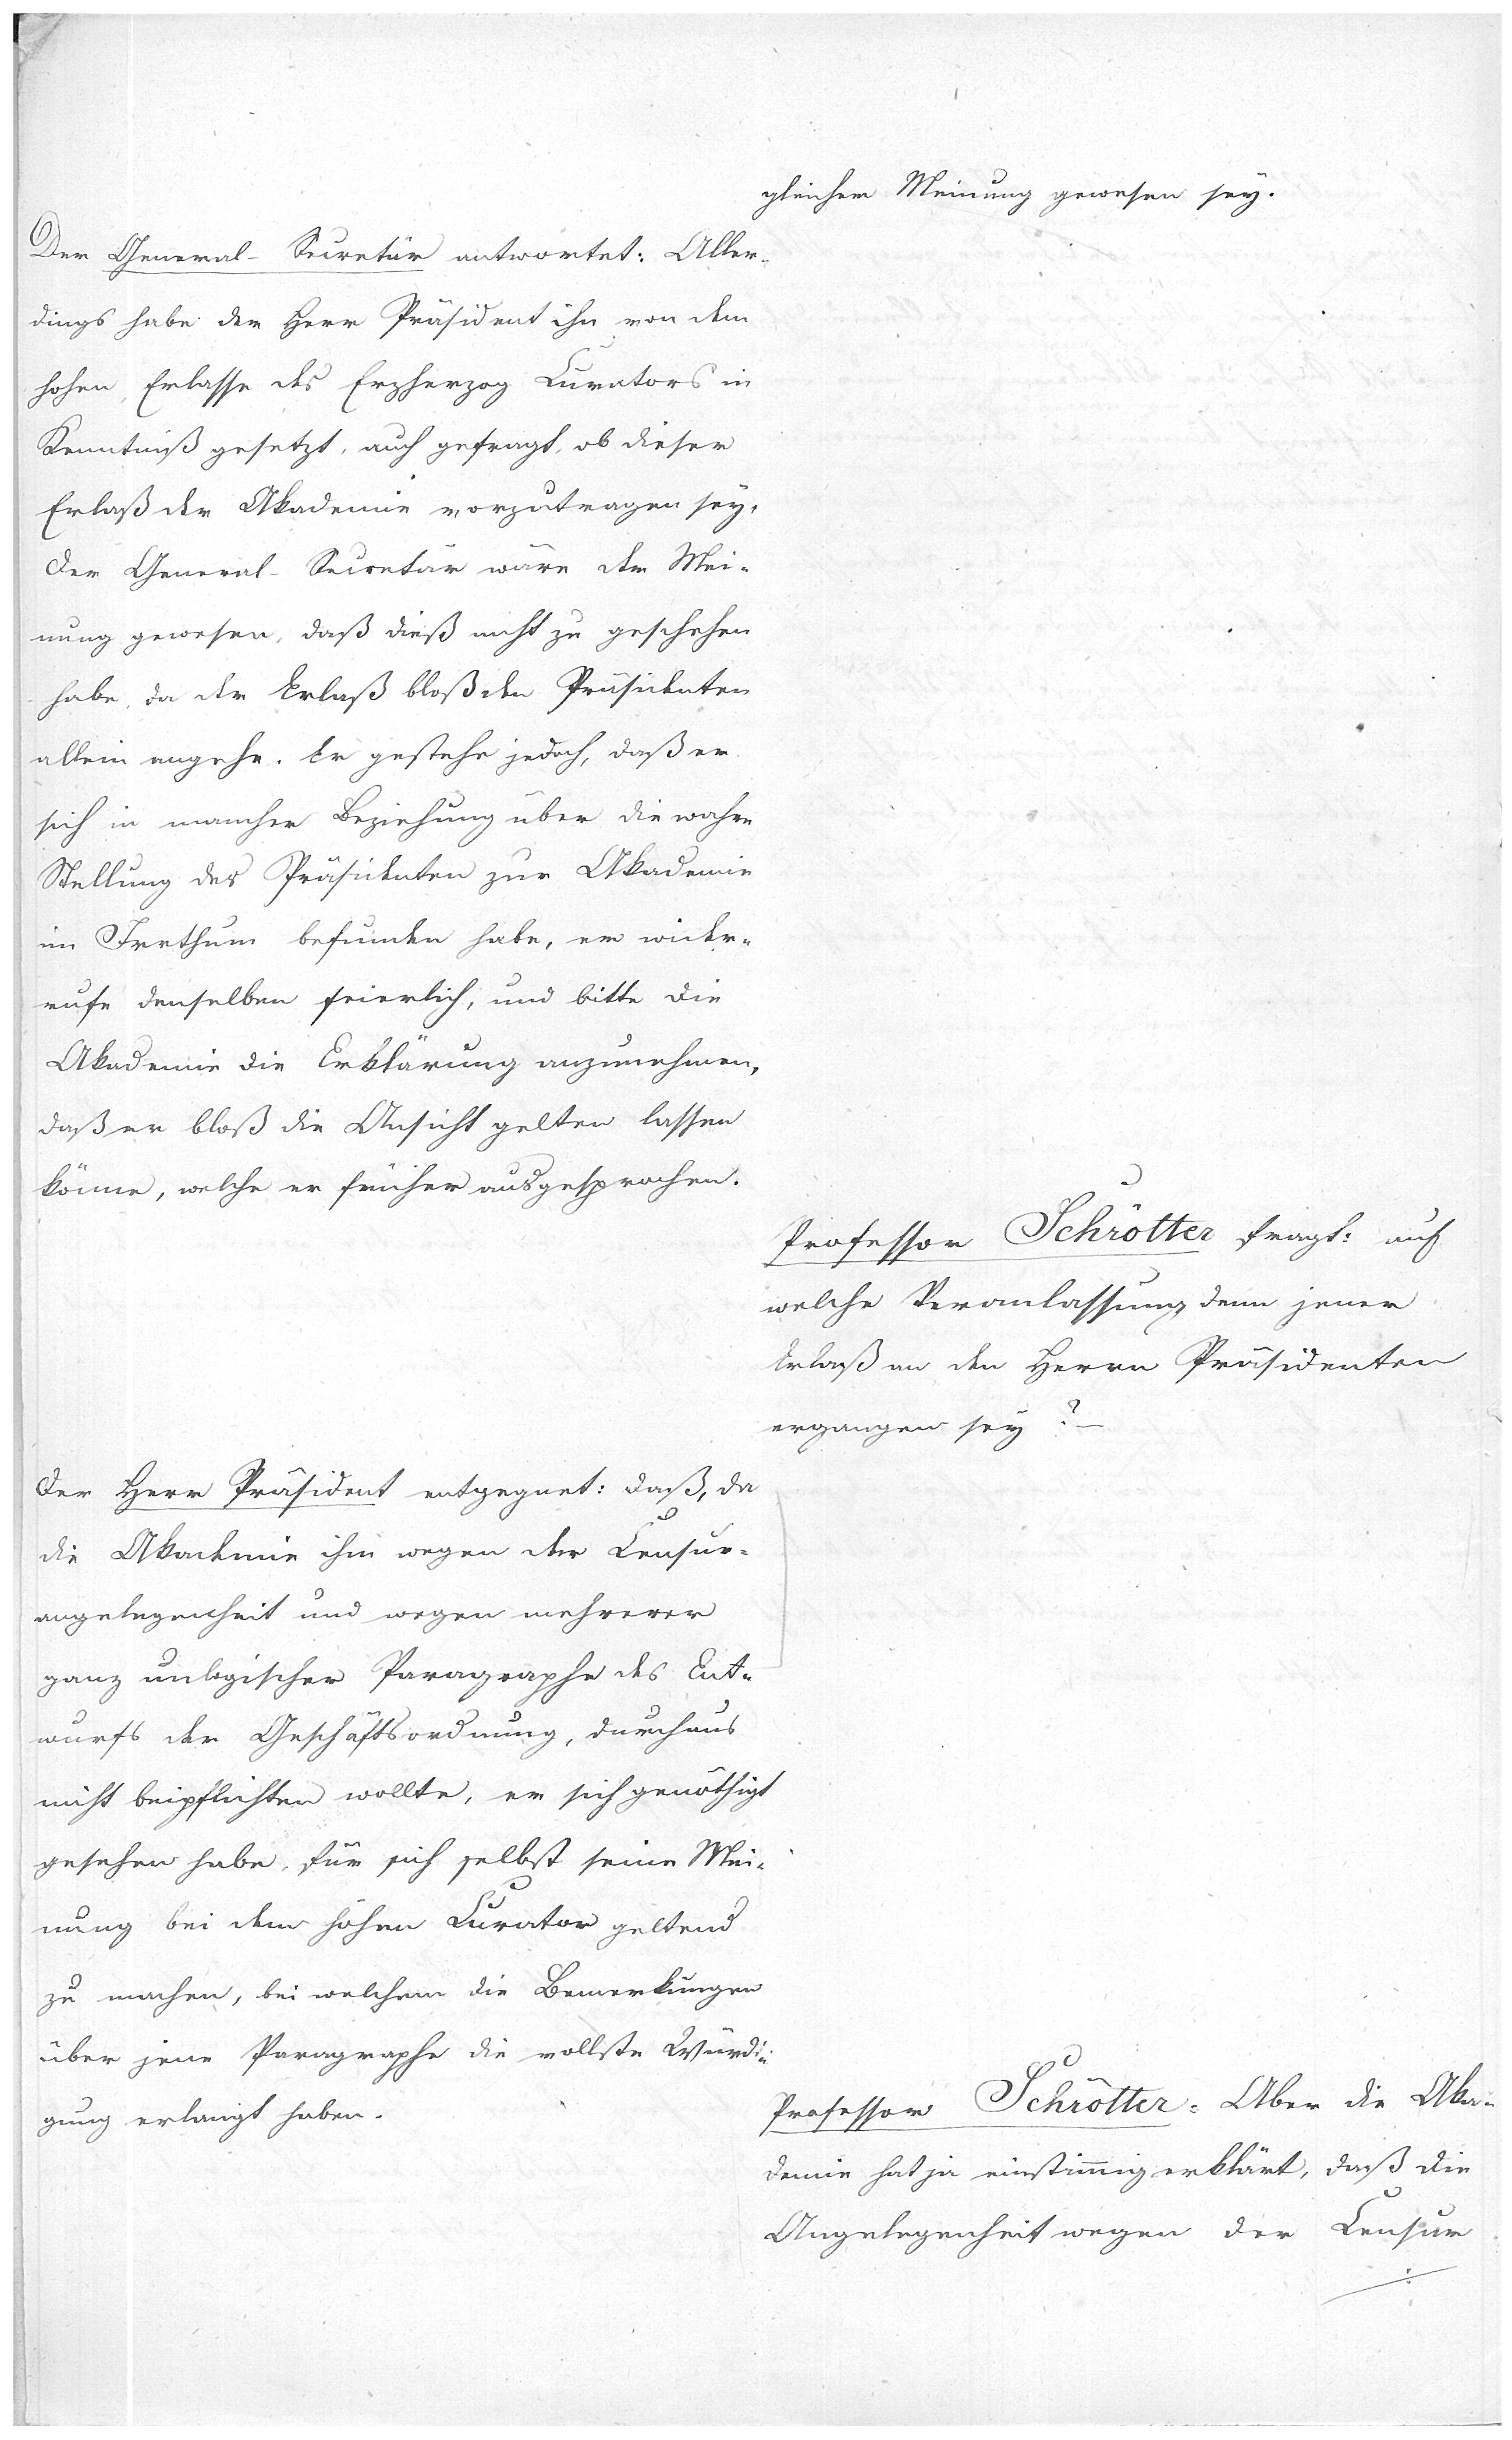gleichen Meinung gewesen sey.
Der General-Secretär antwortet: Aller-
dings habe der Herr Präsident ihn von dem
hohen Erlasse des Erzherzog Curators in
Kenntniß gesetzt, auch gefragt, ob dieser
Erlaß der Akademie vorzutragen sey.
Der General-Secretär wäre der Meinung
gewesen, daß dieß nicht zu geschehen
habe, da der Erlaß bloß den Präsidenten
allein angehe. Er gestehe jedoch, daß er
sich in mancher Beziehung über die wahre
Stellung des Präsidenten zur Akademie
im Irrthum befunden habe, er wider-
rufe denselben feierlich, und bitte die
Akademie die Erklärung anzunehmen,
daß er bloß die Ansicht gelten lassen
könne, welche er früher ausgesprochen.
Professor Schrötter fragt, auf
welche Veranlassung denn jener
Erlaß an den Herrn Präsidenten
ergangen sey?
Der Herr Präsident entgegnet: daß, da
die Akademie ihm wegen der Censur-
angelegenheit und wegen mehrerer
ganz unlogischer Paragraphee des Ent-
wurfs der Geschäftsordnung, durchaus
nicht beipflichten wollte, er sich genöthigt
gesehen habe, für sich selbst seine Mei-
nung bei dem hohen Curator geltend
zu machen, bei welchem die Bemerkungen
über jene Paragraphe die vollste Würdi-
gung erlangt haben.
Professor Schrötter: Aber die Aka-
demie hat ja einstimmig erklärt, daß die
Angelegenheit wegen der Censur